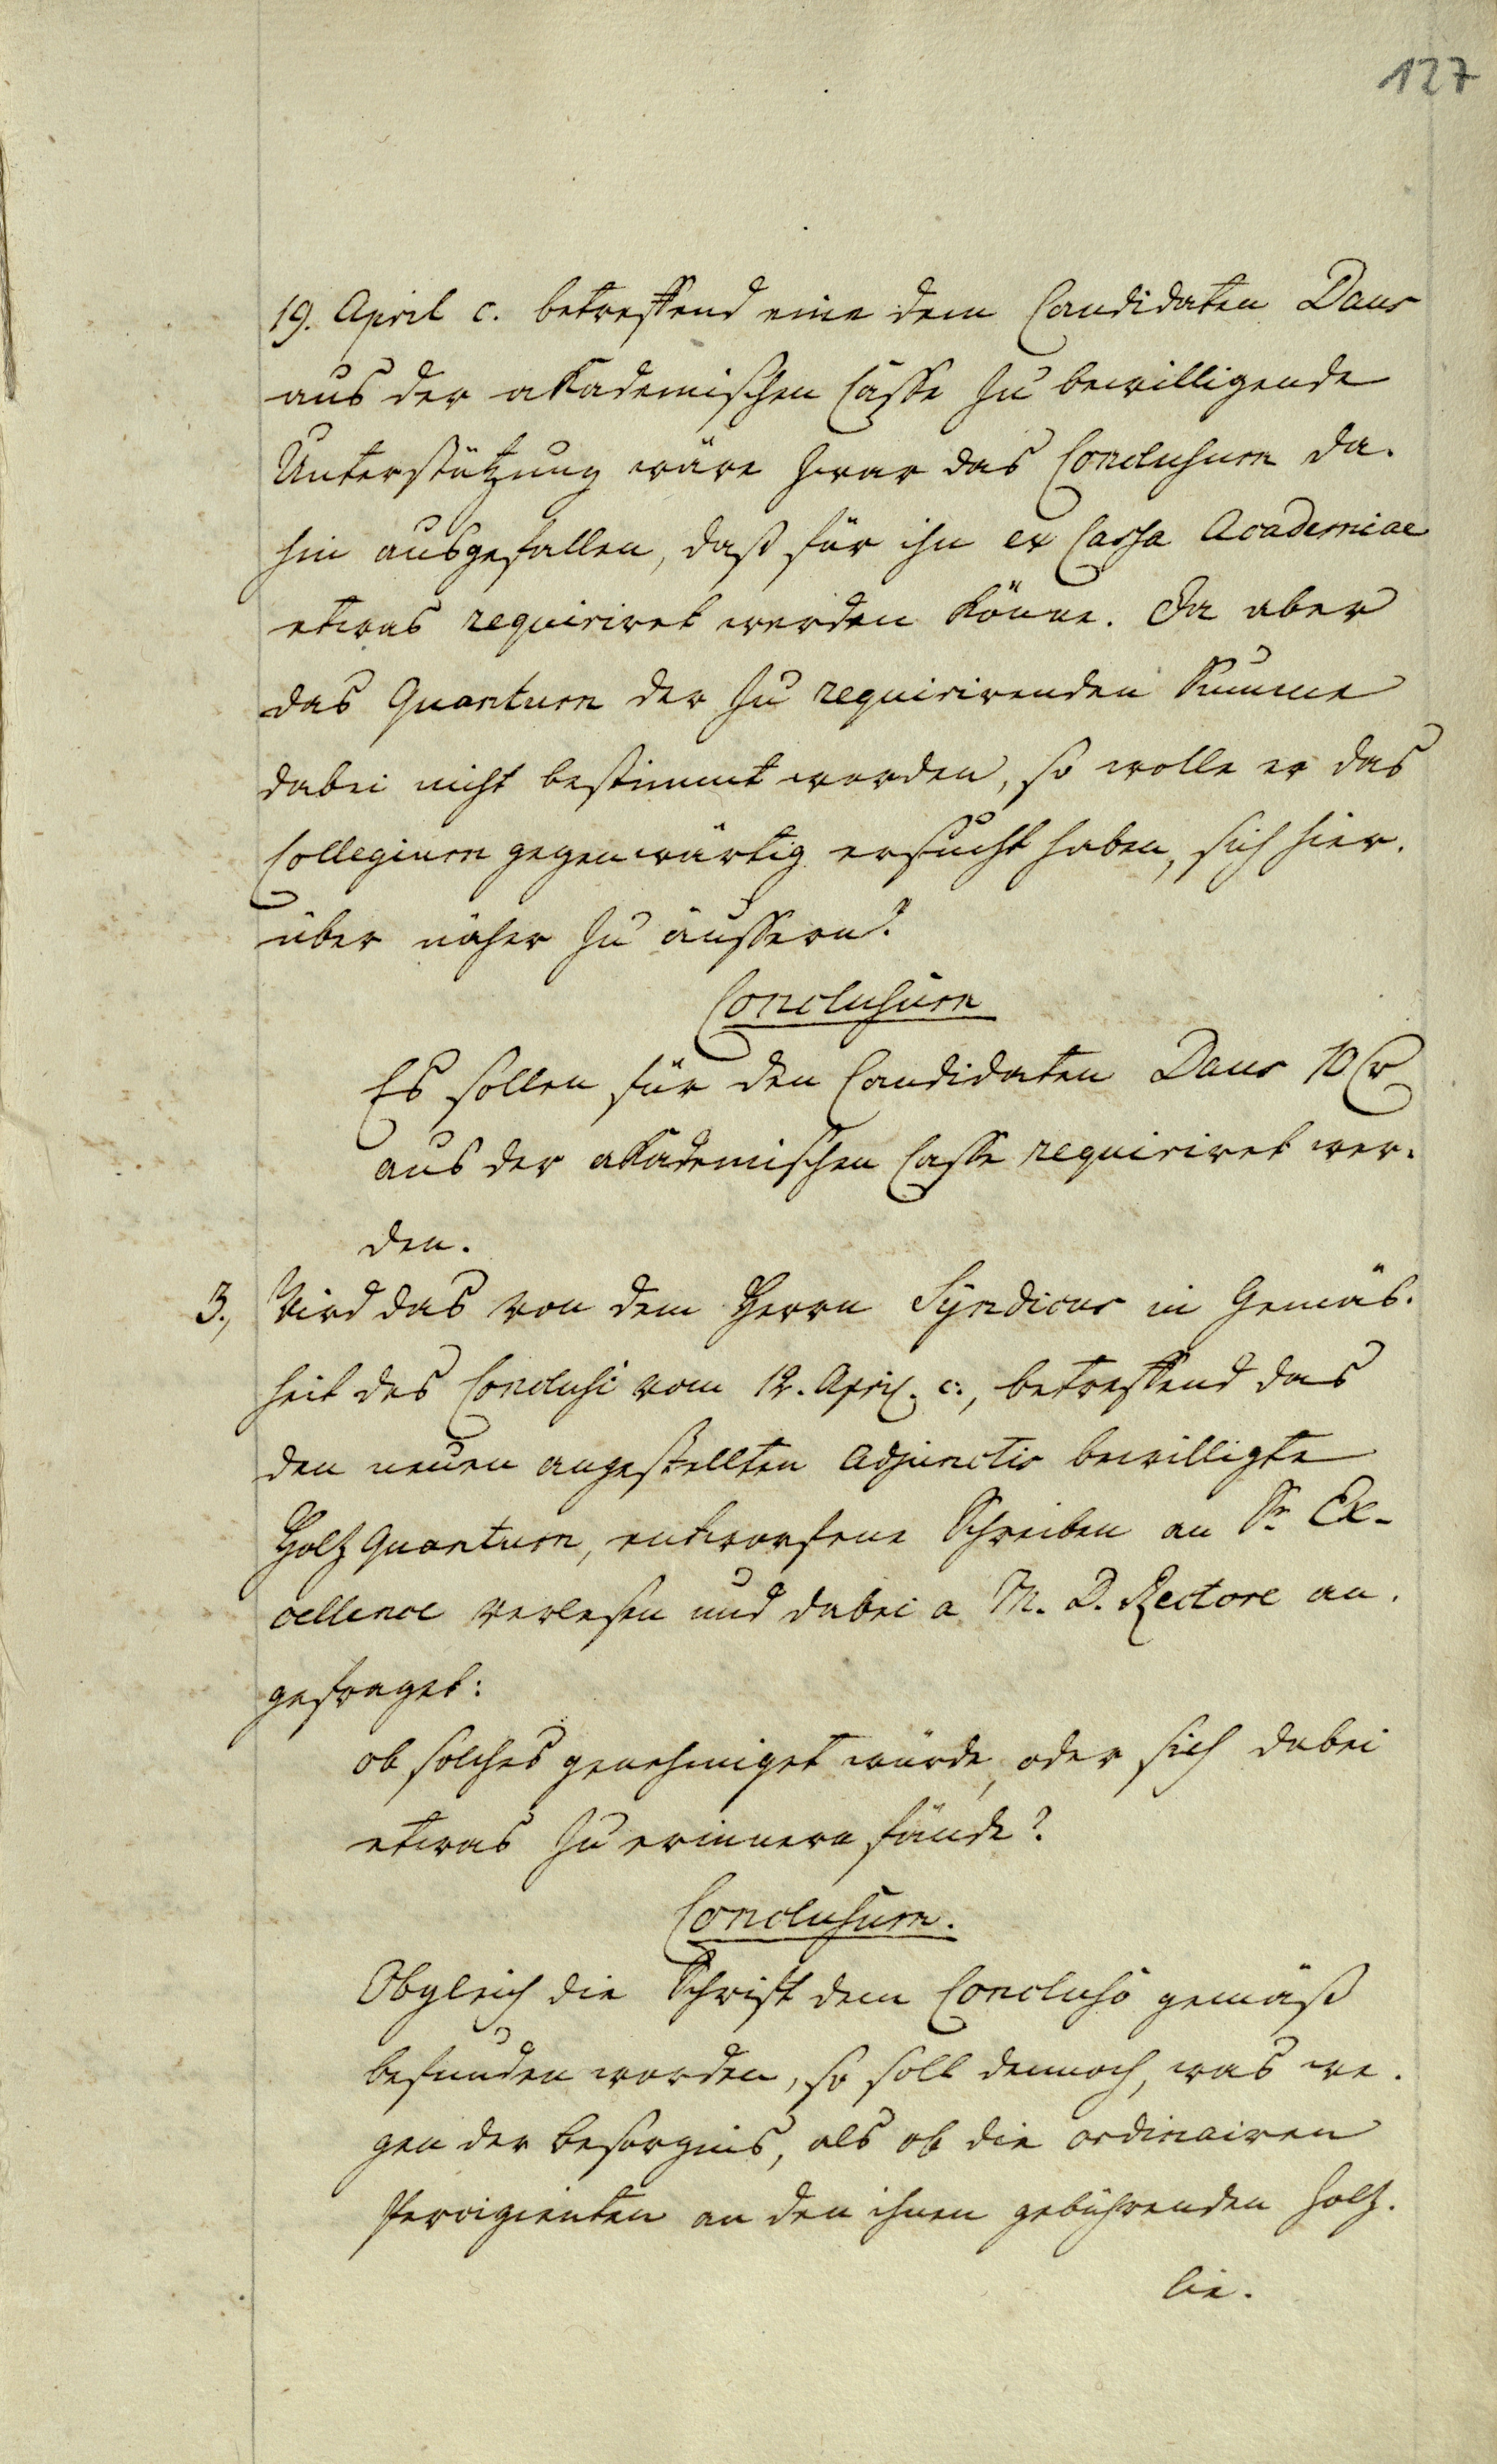19. April c. betreffend eine dem Candidaten Daus
aus der akademischen Casse zu bewilligende
Unterstützung wäre zwar das Conclusum da¬
in ausgefallen, daß für ihn ex Cassa Academiae
etwas requiriret werden könne. Da aber
das Quantum der zu requirirenden Summe
dabei nicht bestimmt worden, so wolle er das
Collegium gegenwärtig ersucht haben, sich hier¬
über näher zu äussern.
Conclusum
Es sollen für den Candidaten Daus 10 l.
aus der akademischen Casse requiriret wer¬
den.
3., Wird das von dem Herrn Sÿndicus in Gemäs¬
heit des Conclusi vom 12. April. c., betreffend das
den neuen angestellten Adjunctis bewilligte
Holz Quantum, entworfene Schreiben an Sr Ex¬
cellence verlesen und dabei a M. D. Rectore an¬
gefraget:
ob solches genehmiget würde, oder sich dabei
etwas zu erinnern fände?.
Conclusum.
Obgleich die Schrift dem Concluso gemäß
befunden worden, so soll dennoch, was we-
gen der Besorgins, als ob die ordinairen
Percipienten an den ihnen gebührenden Holz¬
be¬